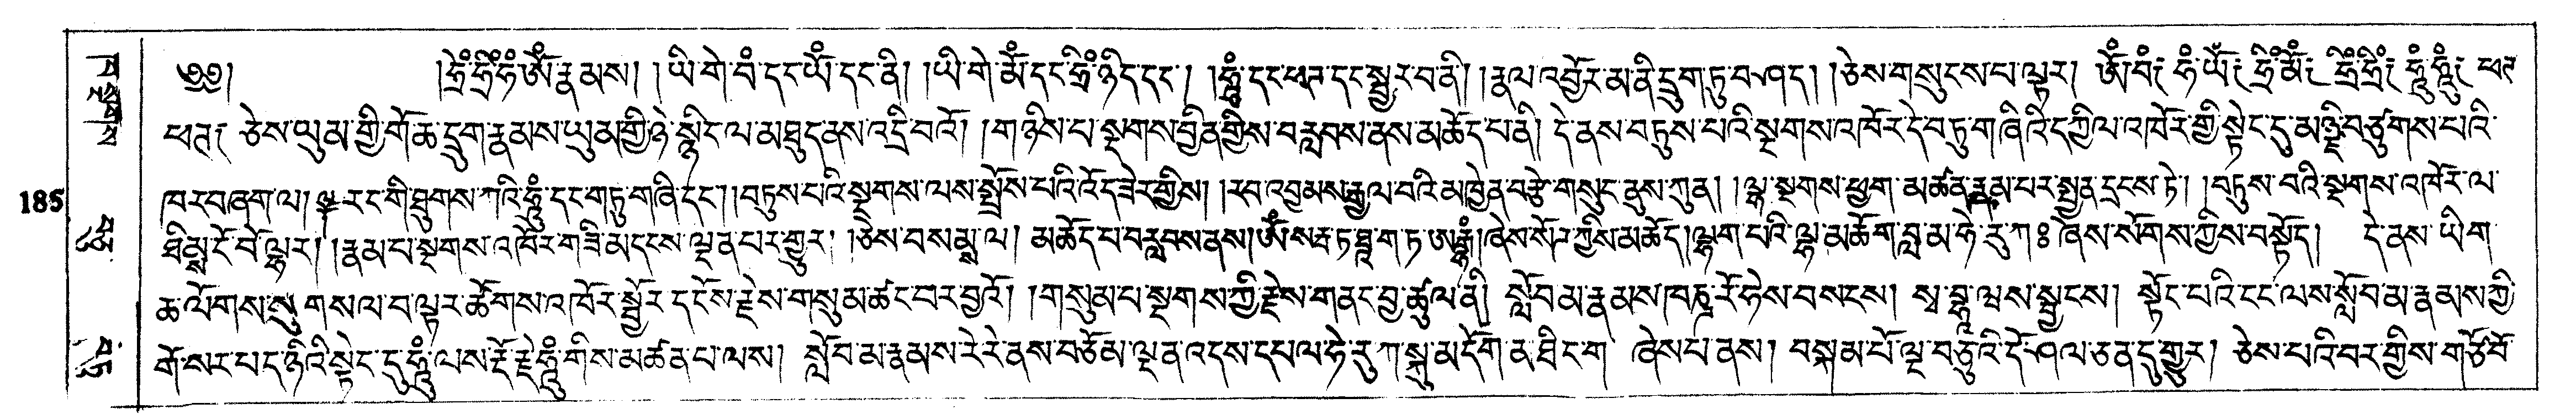༄༅། །ཧྲེཾ་ཧྲིཾ་ཧཾ་ཨོཾ་རྣམས། །ཡི་གེ་བཾ་དང་ཡོཾ་དང་ནི། །ཡི་གེ་མོཾ་དང་ཧྲིཾ་ཉིད་དང་། །ཧཱུཾ་དང་ཕཊ་དང་སྦྱར་བ་ནི། །རྣལ་འབྱོར་མ་ནི་དྲུག་ཏུ་བཤད། །ཅེས་གསུངས་པ་ལྟར། ཨོཾ་བཾ༑ ཧཾ་ཡོཾ༑ ཧྲིཾ་མོཾ༑ ཧྲིཾ་ཧྲིཾ༑ ཧཱུཾ་ཧཱུཾ༑ ཕཊ་
ཕཊ༑ ཅེས་ཡུམ་གྱི་གོ་ཆ་དྲུག་རྣམས་ཡུམ་གྱི་ཉེ་སྙིང་ལ་མཐུད་ནས་འདྲི་བའོ། །གཉིས་པ་སྔགས་བྱིན་གྱིས་བརླབས་ནས་མཆོད་པ་ནི། དེ་ནས་བཏུས་པའི་སྔགས་འཁོར་དེ་བཏུ་གཞིའི་དཀྱིལ་འཁོར་གྱི་སྟེང་དུ་མཉྫི་བཙུགས་པའི་
ཁར་བཞག་ལ། ༈ རང་གི་ཐུགས་ཀའི་ཧཱུཾ་དང་གཏུ་གཞི་དང་། །བཏུས་པའི་སྔགས་ལས་སྤྲོས་པའི་འོད་ཟེར་གྱིས། །རབ་འབྱམས་རྒྱལ་བའི་མཁྱེན་བརྩེ་གསུང་ནུས་ཀུན། །ལྷ་སྔགས་ཕྱག་མཚན་རྣམ་པར་སྤྱན་དྲངས་ཏེ། །བཏུས་པའི་སྔགས་འཁོར་ལ་
ཐིམས་ངོ་བོ་ལྷར། །རྣམ་པ་སྔགས་འཁོར་གཟི་མདངས་ལྡན་པར་གྱུར། །ཅེས་བསམས་ལ། མཆོད་པ་བརླབས་ནས། ཨོཾ་སརྦ་ཏ་ཐཱ་ག་ཏ་ཨརྒྷཾ། ཞེས་སོགས་ཀྱིས་མཆོད། ལྷག་པའི་ལྷ་མཆོག་བླ་མ་ཧེ་རུ་ཀཿ ཞེས་སོགས་ཀྱིས་བསྟོད། དེ་ནས་ཡིག་
ཆ་ལོགས་སུ་གསལ་བ་ལྟར་ཐོགས་འཁོར་སྦྱོར་དངོས་རྗེས་གསུམ་ཚང་བར་བྱའོ། །གསུམ་པ་སྔགས་ཀྱིརྗེས་གནང་བྱ་ཚུལ་ནི། སློབ་མ་རྣམས་ཁཎྜ་རོ་ཧེས་བསངས། སྭ་བྷཱ་ཝས་སྦྱངས། སྟོང་པའི་ངང་ལས་སློབ་མ་རྣམས་ཀྱི་
གོ་སར་པད་ཉིའི་སྟེང་དུ་ཧཱུཾ་ལས་རྡོ་རྗེ་ཧཱུཾ་གིས་མཚན་པ་ལས། སློབ་མ་རྣམས་རེ་རེ་ནས་བཅོམ་ལྡན་འདས་དཔལ་ཧེ་རུ་ཀ་སྐུ་མདོག་མཐིང་ག་ཞེས་པ་ནས། བསྐམ་པོ་ལྔ་བཅུའི་དོ་ཤལ་ཅན་དུ་གྱུར། ཅེས་པའི་བར་གྱིས་གཙོ་བོ་